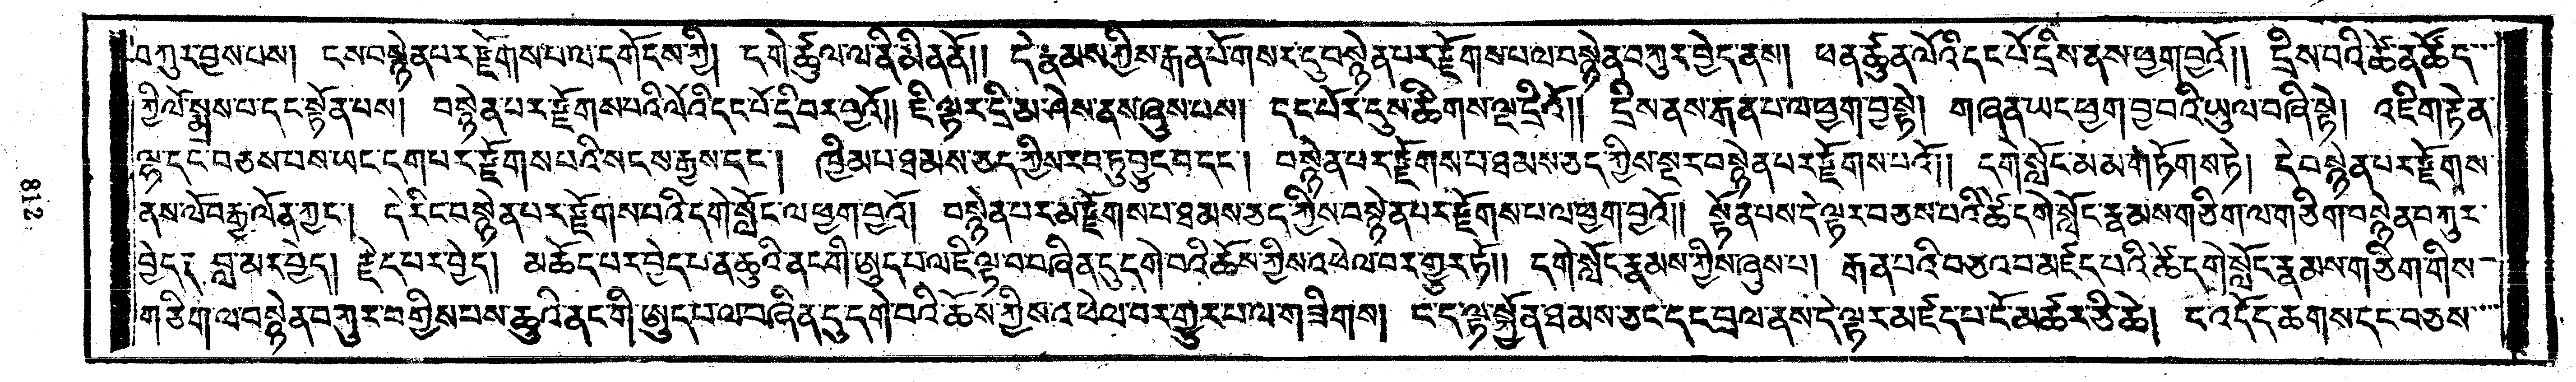བཀུར་བྱས་པས། ངས་བསྙེན་པར་རྫོགས་པ་ལ་དགོངས་ཀྱི། དགེ་ཚུལ་ལ་ནི་མིན་ནོ།། དེ་རྣམས་ཀྱིས་རྒན་པོ་གསར་དུ་བསྙེན་པར་རྫོགས་པ་ལ་བསྙེན་བཀུར་བྱེད་ནས། ཕན་ཚུན་ལོའི་དང་པོ་དྲིས་ནས་ཕྱག་བྱའོ།། དྲིས་པའི་ཚེ་ན་ཚོད་
ཀྱི་ལོ་སྨྲས་པ་དང་སྟོན་པས། བསྙེན་པར་རྫོགས་པའི་ལོའི་དང་པོ་དྲི་བར་བྱའོ།། ཇི་ལྟར་དྲི་མ་ཤེས་ནས་ཞུས་པས། དང་པོར་དུས་ཚིགས་ལྔ་དྲིའོ།། དྲིས་ནས་རྒན་པ་ལ་ཕྱག་བྱ་སྟེ། གཞན་ཡང་ཕྱག་བྱ་བའི་ཡུལ་བཞི་སྟེ། འཇིག་རྟེན་
ལྷ་དང་བཅས་པས་ཡང་དག་པར་རྫོགས་པའི་སངས་རྒྱས་དང་། ཁྱིམ་པ་ཐམས་ཅད་ཀྱིས་རབ་ཏུ་བྱུང་བ་དང་། བསྙེན་པར་རྫོགས་པ་ཐམས་ཅད་ཀྱིས་སྔར་བསྙེན་པར་རྫོགས་པའོ།། དགེ་སློང་མ་མ་གཏོགས་ཏེ། དེ་བསྙེན་པར་རྫོགས་
ནས་ལོ་བརྒྱ་ལོན་ཀྱང་། དེ་རིང་བསྙེན་པར་རྫོགས་པའི་དགེ་སློང་ལ་ཕྱག་བྱའོ། བསྙེན་པར་མ་རྫོགས་པ་ཐམས་ཅད་ཀྱིས་བསྙེན་པར་རྫོགས་པ་ལ་ཕྱག་བྱའོ།། སྟོན་པས་དེ་ལྟར་བཅས་པའི་ཚེ་དགེ་སློང་རྣམས་གཅིག་ལ་གཅིག་བསྙེན་བཀུར་
བྱེད༑ བླ་མར་བྱེད། རྗེད་པར་བྱེད། མཆོད་པར་བྱེད་པ་ན་ཆུའི་ནང་གི་ཨུད་པ་ལ་ཇི་ལྟ་བ་བཞིན་དུ་དགེ་བའི་ཆོས་ཀྱིས་འཕེལ་བར་གྱུར་ཏོ།། དགེ་སློང་རྣམས་ཀྱིས་ཞུས་པ། རྒན་པའི་བཅའ་བ་མཛད་པའི་ཚེ་དགེ་སློང་རྣམས་གཅིག་གིས་
གཅིག་ལ་བསྙེན་བཀུར་བགྱིས་པས་ཆུའི་ནང་གི་ཨུད་པ་ལ་བཞིན་དུ་དགེ་བའི་ཆོས་ཀྱིས་འཕེལ་བར་གྱུར་པ་ལ་གཟིགས། ང་ད་ལྟ་སྐྱོན་ཐམས་ཅད་དང་བྲལ་ནས་དེ་ལྟར་མཛད་པ་ངོ་མཚར་ཅི་ཆེ། ང་འདོད་ཆགས་དང་བཅས་